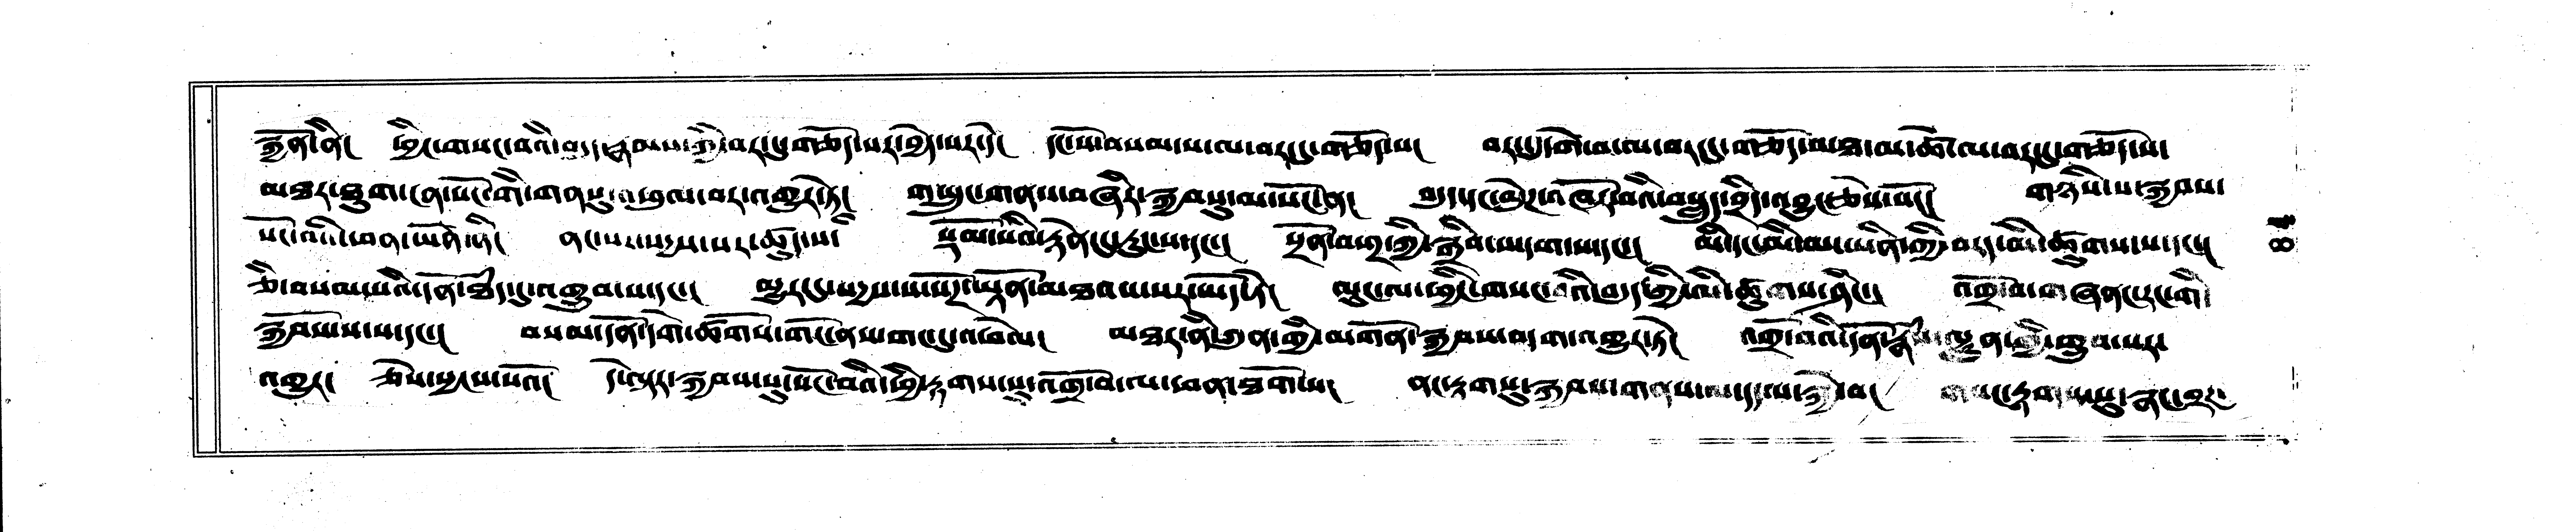སྐྱོན་ནི། ཕྱི་ནང་གསང་བའི་བདུད་རྣམས་ཀྱིས་བར་དུ་གཅོད་པར་བྱེད་དེ། དང་པོ་བསམ་པ་ལ་བར་དུ་གཅོད། བར་དུ་དགེ་བ་ལ་བར་དུ་གཅོད། ཐ་མ་ཚེ་ལ་བར་དུ་གཅོད། 
མཐར་ཐུག་ངན་སོང་གི་གནས་སུ་འཕུལ་བར་འགྱུར་ཏེ། གཡུང་དྲུང་གནས་བཞིར་སྐྱབས་སུ་མ་སོང་ན། བདུད་དང་མུ་སྟེགས་འཁོར་བའི་བསླུ་བྲིད་འབྱུང་ཞེས་སོ། །གཉིས་པ་སྐྱབས་
སུ་སོང་བའི་ཕན་ཡོན་ནི། ནང་པ་སངས་རྒྱས་པར་ཚུད་པ། སྡོམ་པའི་རྟེན་དུ་རུང་བ་དང་། སྔོན་བསགས་ཀྱི་སྒྲིབ་པ་དག་པ་དང་། མི་དང་མི་མ་ཡིན་གྱི་བར་ཆད་མི་ཚུགས་པ་དང་། 
ཅི་བསམ་པའི་དོན་རྣམས་འགྲུབ་པ་དང་། མྱུར་དུ་སངས་རྒྱས་པ་ལ་སོགས་ཡོན་ཏན་མཐའ་ཡས་པ་ཡོད་དེ། ལུང་ལས་ཕྱི་ནང་གསང་བའི་བདུད་ཀྱིས་མི་ཚུགས་ཤིང་། འགྲོ་བ་གཞན་རང་གིས་
སྐྱོབ་པ་དང་། བསམ་དོན་དགེ་ཚོགས་གོང་ནས་གོང་དུ་འཕེལ། མཐར་ནི་ཀུན་གྱི་མགོན་སྐྱབས་བདག་གྱུར་ཏེ། འགྲོ་བའི་དོན་རྣམས་ལྷུན་གྱིས་གྲུབ་པར་
འགྱུར་ ཅེས་གསུངས་པའོ། །དེ་ལྟར་སྐྱབས་སུ་སོང་བའི་ཕྱི་རྟགས་སུ་འགྲོ་བ་ལ་ཕན་ཐོགས། ནང་རྟགས་སུ་སྐྱབས་གནས་ལ་དད་པ་སྐྱེ་བ། གསང་རྟགས་སུ་སྣང་གྲགས་